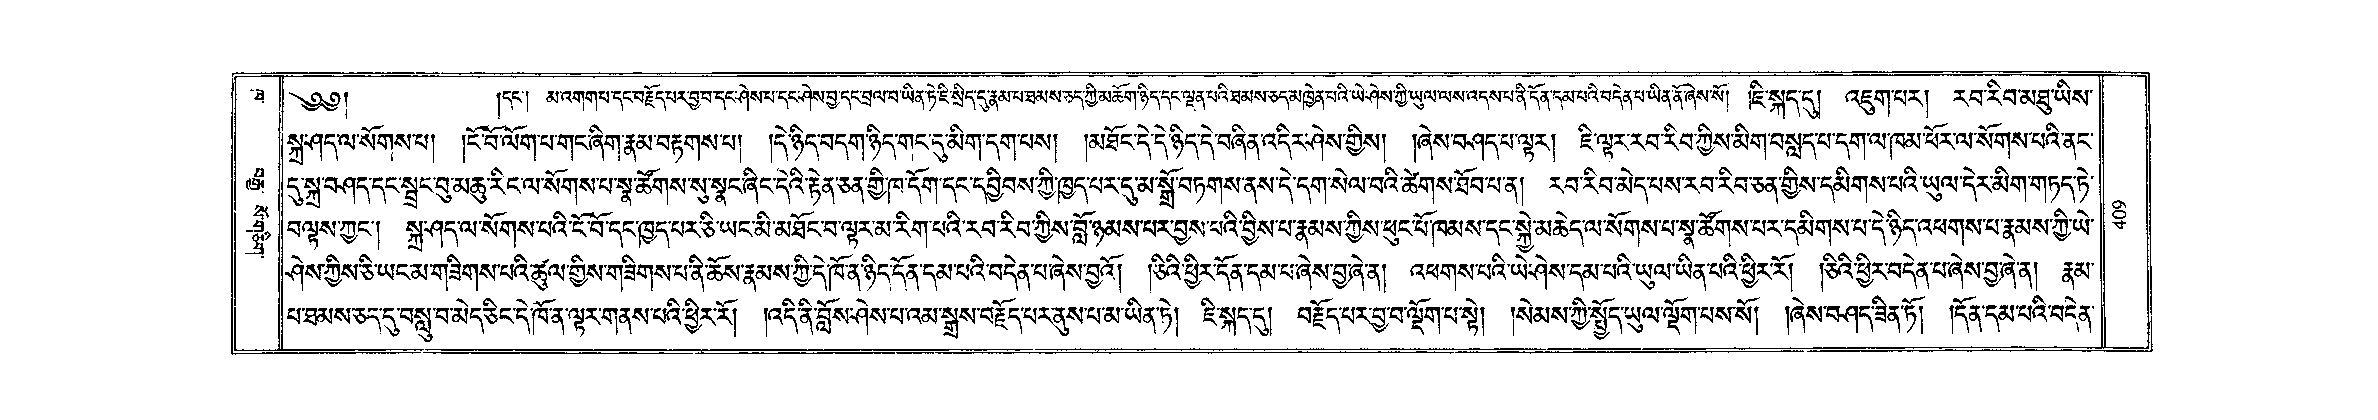༄༅། །དང་། མ་འགག་པ་དང་བརྗོད་པར་བྱ་བ་དང་ཤེས་པ་དང་ཤེས་བྱ་དང་བྲལ་བ་ཡིན་ཏེ་ཇི་སྲིད་དུ་རྣམ་པ་ཐམས་ཅད་ཀྱི་མཆོག་ཉིད་དང་ལྡན་པའི་ཐམས་ཅད་མཁྱེན་པའི་ཡེ་ཤེས་ཀྱི་ཡུལ་ལས་འདས་པ་ནི་དོན་དམ་པའི་བདེན་པ་ཡིན་ནོ་ཞེས་སོ། །ཇི་སྐད་དུ། འཇུག་པར། རབ་རིབ་མཐུ་ཡིས་
སྐྲ་ཤད་ལ་སོགས་པ། །ངོ་བོ་ལོག་པ་གང་ཞིག་རྣམ་བརྟགས་པ། །དེ་ཉིད་བདག་ཉིད་གང་དུ་མིག་དག་པས། །མཐོང་དེ་དེ་ཉིད་དེ་བཞིན་འདིར་ཤེས་གྱིས། །ཞེས་བཤད་པ་ལྟར། ཇི་ལྟར་རབ་རིབ་ཀྱིས་མིག་བསླད་པ་དག་ལ་ཁམ་ཕོར་ལ་སོགས་པའི་ནང་
དུ་སྐྲ་བཤད་དང་སྦྲང་བུ་མཆུ་རིང་ལ་སོགས་པ་སྣ་ཚོགས་སུ་སྣང་ཞིང་དེའི་རྟེན་ཅན་གྱི་ཁ་དོག་དང་དབྱིབས་ཀྱི་ཁྱད་པར་དུ་མ་སྒྲོ་བཏགས་ནས་དེ་དག་སེལ་བའི་ཚེགས་ཐོབ་པ་ན། རབ་རིབ་མེད་པས་རབ་རིབ་ཅན་གྱིས་དམིགས་པའི་ཡུལ་དེར་མིག་གཏད་ཏེ་
བལྟས་ཀྱང་། སྐྲ་ཤད་ལ་སོགས་པའི་ངོ་བོ་དང་ཁྱད་པར་ཅི་ཡང་མི་མཐོང་བ་ལྟར་མ་རིག་པའི་རབ་རིབ་ཀྱིས་བློ་ཉམས་པར་བྱས་པའི་བྱིས་པ་རྣམས་ཀྱིས་ཕུང་པོ་ཁམས་དང་སྐྱེ་མཆེད་ལ་སོགས་པ་སྣ་ཚོགས་པར་དམིགས་པ་དེ་ཉིད་འཕགས་པ་རྣམས་ཀྱི་ཡེ་
ཤེས་ཀྱིས་ཅི་ཡང་མ་གཟིགས་པའི་ཚུལ་གྱིས་གཟིགས་པ་ནི་ཆོས་རྣམས་ཀྱི་དེ་ཁོ་ན་ཉིད་དོན་དམ་པའི་བདེན་པ་ཞེས་བྱའོ། །ཅིའི་ཕྱིར་དོན་དམ་པ་ཞེས་བྱ་ཞེ་ན། འཕགས་པའི་ཡེ་ཤེས་དམ་པའི་ཡུལ་ཡིན་པའི་ཕྱིར་རོ། །ཅིའི་ཕྱིར་བདེན་པ་ཞེས་བྱ་ཞེ་ན། རྣམ་
པ་ཐམས་ཅད་དུ་བསླུ་བ་མེད་ཅིང་དེ་ཁོ་ན་ལྟར་གནས་པའི་ཕྱིར་རོ། །འདི་ནི་བློས་ཤེས་པ་འམ་སྒྲས་བརྗོད་པར་ནུས་པ་མ་ཡིན་ཏེ། ཇི་སྐད་དུ། བརྗོད་པར་བྱ་བ་ལྡོག་པ་སྟེ། །སེམས་ཀྱི་སྤྱོད་ཡུལ་ལྡོག་པས་སོ། །ཞེས་བཤད་ཟིན་ཏོ། །དོན་དམ་པའི་བདེན་